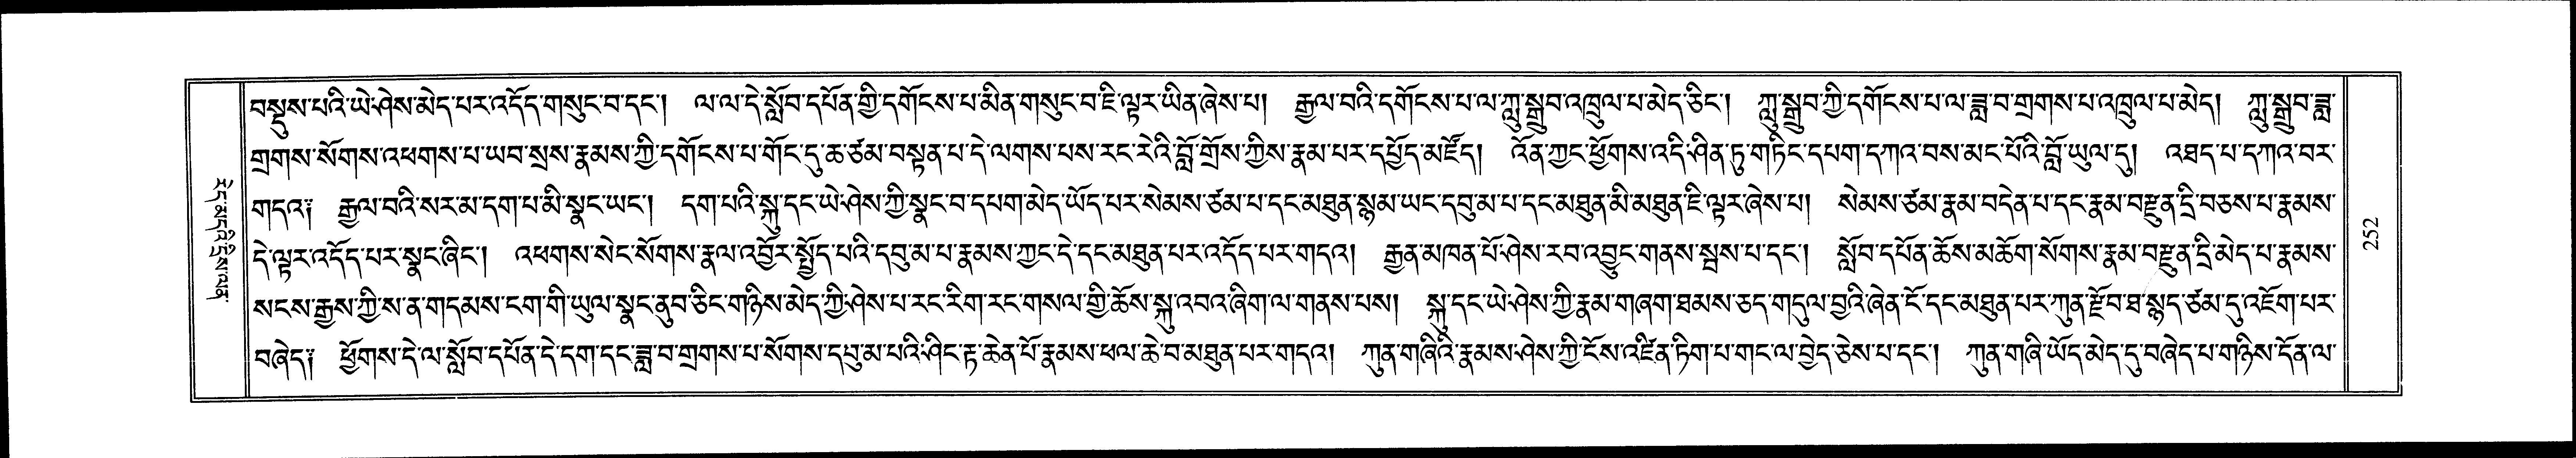བསྡུས་པའི་ཡེ་ཤེས་མེད་པར་འདོད་གསུང་བ་དང་། ལ་ལ་དེ་སློབ་དཔོན་གྱི་དགོངས་པ་མིན་གསུང་བ་ཇི་ལྟར་ཡིན་ཞེས་པ། རྒྱལ་བའི་དགོངས་པ་ལ་ཀླུ་སྒྲུབ་འཁྲུལ་པ་མེད་ཅིང་། ཀླུ་སྒྲུབ་ཀྱི་དགོངས་པ་ལ་ཟླ་བ་གྲགས་པ་འཁྲུལ་པ་མེད། ཀླུ་སྒྲུབ་ཟླ་
གྲགས་སོགས་འཕགས་པ་ཡབ་སྲས་རྣམས་ཀྱི་དགོངས་པ་གོང་དུ་ཆ་ཙམ་བསྟན་པ་དེ་ལགས་པས་རང་རེའི་བློ་གྲོས་ཀྱིས་རྣམ་པར་དཔྱོད་མཛོད། འོན་ཀྱང་ཕྱོགས་འདི་ཤིན་ཏུ་གཏིང་དཔག་དཀའ་བས་མང་པོའི་བློ་ཡུལ་དུ། འཐད་པ་དཀའ་བར་
གདའ། རྒྱལ་བའི་སར་མ་དག་པ་མི་སྣང་ཡང་། དག་པའི་སྐུ་དང་ཡེ་ཤེས་ཀྱི་སྣང་བ་དཔག་མེད་ཡོད་པར་སེམས་ཙམ་པ་དང་མཐུན་སྙམ་ཡང་དབུ་མ་པ་དང་མཐུན་མི་མཐུན་ཇི་ལྟར་ཞེས་པ། སེམས་ཙམ་རྣམ་བདེན་པ་དང་རྣམ་བརྫུན་དྲི་བཅས་པ་རྣམས་
དེ་ལྟར་འདོད་པར་སྣང་ཞིང་། འཕགས་སེང་སོགས་རྣལ་འབྱོར་སྤྱོད་པའི་དབུ་མ་པ་རྣམས་ཀྱང་དེ་དང་མཐུན་པར་འདོད་པར་གདའ། རྒྱན་མཁན་པོ་ཤེས་རབ་འབྱུང་གནས་སྦས་པ་དང་། སློབ་དཔོན་ཆོས་མཆོག་སོགས་རྣམ་བརྫུན་དྲི་མེད་པ་རྣམས་
སངས་རྒྱས་ཀྱི་ས་ན་གདམས་ངག་གི་ཡུལ་སྣང་ནུབ་ཅིང་གཉིས་མེད་ཀྱི་ཤེས་པ་རང་རིག་རང་གསལ་གྱི་ཆོས་སྐུ་འབའ་ཞིག་ལ་གནས་པས། སྐུ་དང་ཡེ་ཤེས་ཀྱི་རྣམ་གཞག་ཐམས་ཅད་གདུལ་བྱའི་ཞེན་ངོ་དང་མཐུན་པར་ཀུན་རྫོབ་ཐ་སྙད་ཙམ་དུ་འཇོག་པར་
བཞེད། ཕྱོགས་དེ་ལ་སློབ་དཔོན་དེ་དག་དང་ཟླ་བ་གྲགས་པ་སོགས་དབུ་མ་པའི་ཤིང་རྟ་ཆེན་པོ་རྣམས་ཕལ་ཆེ་བ་མཐུན་པར་གདའ། ཀུན་གཞིའི་རྣམས་ཤེས་ཀྱི་ངོས་འཛིན་ཏིག་པ་གང་ལ་བྱེད་ཅེས་པ་དང་། ཀུན་གཞི་ཡོད་མེད་དུ་བཞེད་པ་གཉིས་དོན་ལ་